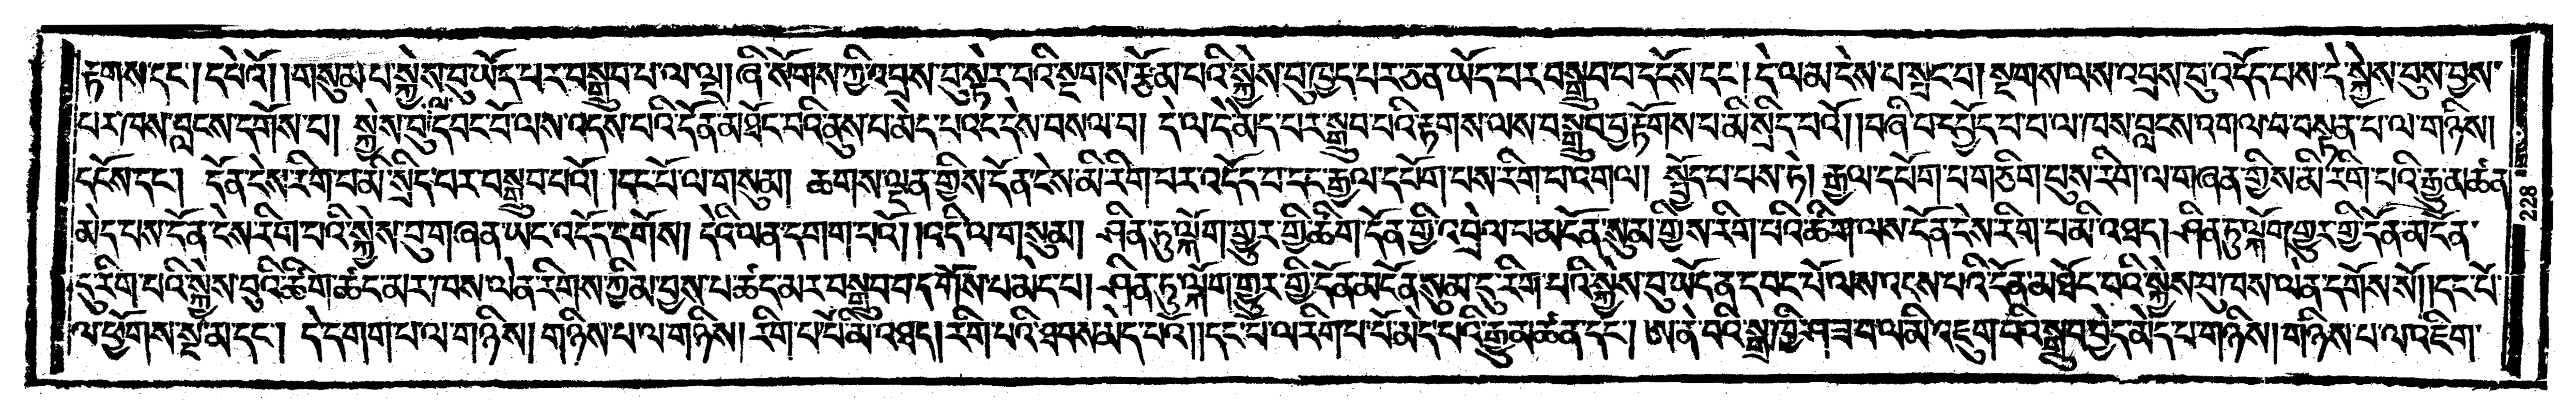རྟགས་དང་། དཔེའོ། །གསུམ་པ་སྐྱེས་བུ་ཡོད་པར་བསྒྲུབ་པ་ལ་ལྔ། ཞི་སོགས་ཀྱི་འབྲས་བུ་སྟེར་བའི་སྔགས་རྩོམ་པའི་སྐྱེས་བུ་ཁྱད་པར་ཅན་ཡོད་པར་བསྒྲུབ་པ་དངོས་དང་། དེ་ལ་མ་ངེས་པ་སྤང་བ། སྔགས་ལས་འབྲས་བུ་འདོད་པས་དེ་སྐྱེས་བུས་བྱས་
པར་ཁས་བླངས་དགོས་པ། སྐྱེས་བུ་ལ་དབང་པོ་ལས་འདས་པའི་དོན་མཐོང་བའི་ནུས་པ་མེད་པའང་དེས་བསལ་བ། དེ་ལ་དེ་མེད་པར་སྒྲུབ་པའི་རྟགས་ལས་བསྒྲུབ་བྱ་རྟོགས་པ་མི་སྲིད་པའོ། །བཞི་པ་དཔྱོད་པ་པ་ལ་ཁས་བླངས་འགལ་བ་བསྟན་པ་ལ་གཉིས།
དངོས་དང་། དོན་ངེས་རིག་པ་མི་སྲིད་པར་བསྒྲུབ་པའོ། །དང་པོ་ལ་གསུམ། ཆགས་ལྡན་གྱིས་དོན་ངེས་མི་རིག་པར་འདོད་པ་དང་རྒྱལ་དཔོག་པས་རིག་པ་འགལ། སྤྱོད་པ་པས་ཏེ། རྒྱལ་དཔོག་པ་གཅིག་པུས་རིག་ལ་གཞན་གྱིས་མི་རིག་པའི་རྒྱུ་མཚན་
མེད་པས་དོན་ངེས་རིག་པའི་སྐྱེས་བུ་གཞན་ཡང་འདོད་དགོས། དེའི་ལན་དགག་པའོ། །འདི་ལ་གསུམ། ཤིན་ཏུ་ལྐོག་གྱུར་གྱི་ཚིག་དོན་གྱི་འབྲེལ་པ་མངོན་སུམ་གྱིས་རིག་པའི་ཚིག་ལས་དོན་ངེས་རིག་པ་མི་འཐད། ཤིན་ཏུ་ལྐོག་གྱུར་གྱི་དོན་མངོན་
དུ་རིག་པའི་སྐྱེས་བུའི་ཚིག་ཚང་མར་ཁས་ལེན་རིགས་ཀྱི་མ་བྱས་པ་ཚད་མར་བསྒྲུབ་པ་དགོས་པ་མེད་པ། ཤིན་ཏུ་ལྐོག་གྱུར་གྱི་དོན་མངོན་སུམ་དུ་རིག་པའི་སྐྱེས་བུ་ཡོད་ན་དབང་པོ་ལས་འདས་པའི་དོན་མཐོང་བའི་སྐྱེས་བུ་ཁས་ལེན་དགོས་སོ། །དང་པོ་
ལ་ཕྱོགས་སྔ་མ་དང་། དེ་དགག་པ་ལ་གཉིས། གཉིས་པ་ལ་གཉིས། རིག་པ་པོ་མི་འཐད། རིག་པའི་ཐབས་མེད་པའོ། །དང་པོ་ལ་རིག་པ་པོ་མེད་པའི་རྒྱུ་མཚན་དང་། ཨ་ནེ་བའི་སྒྲ་ཁྱི་ཤ་ཟ་བ་ལ་མི་འཇུག་པའི་སྒྲུབ་བྱེད་མེད་པ་གཉིས། གཉིས་པ་ལ་འཇིག་